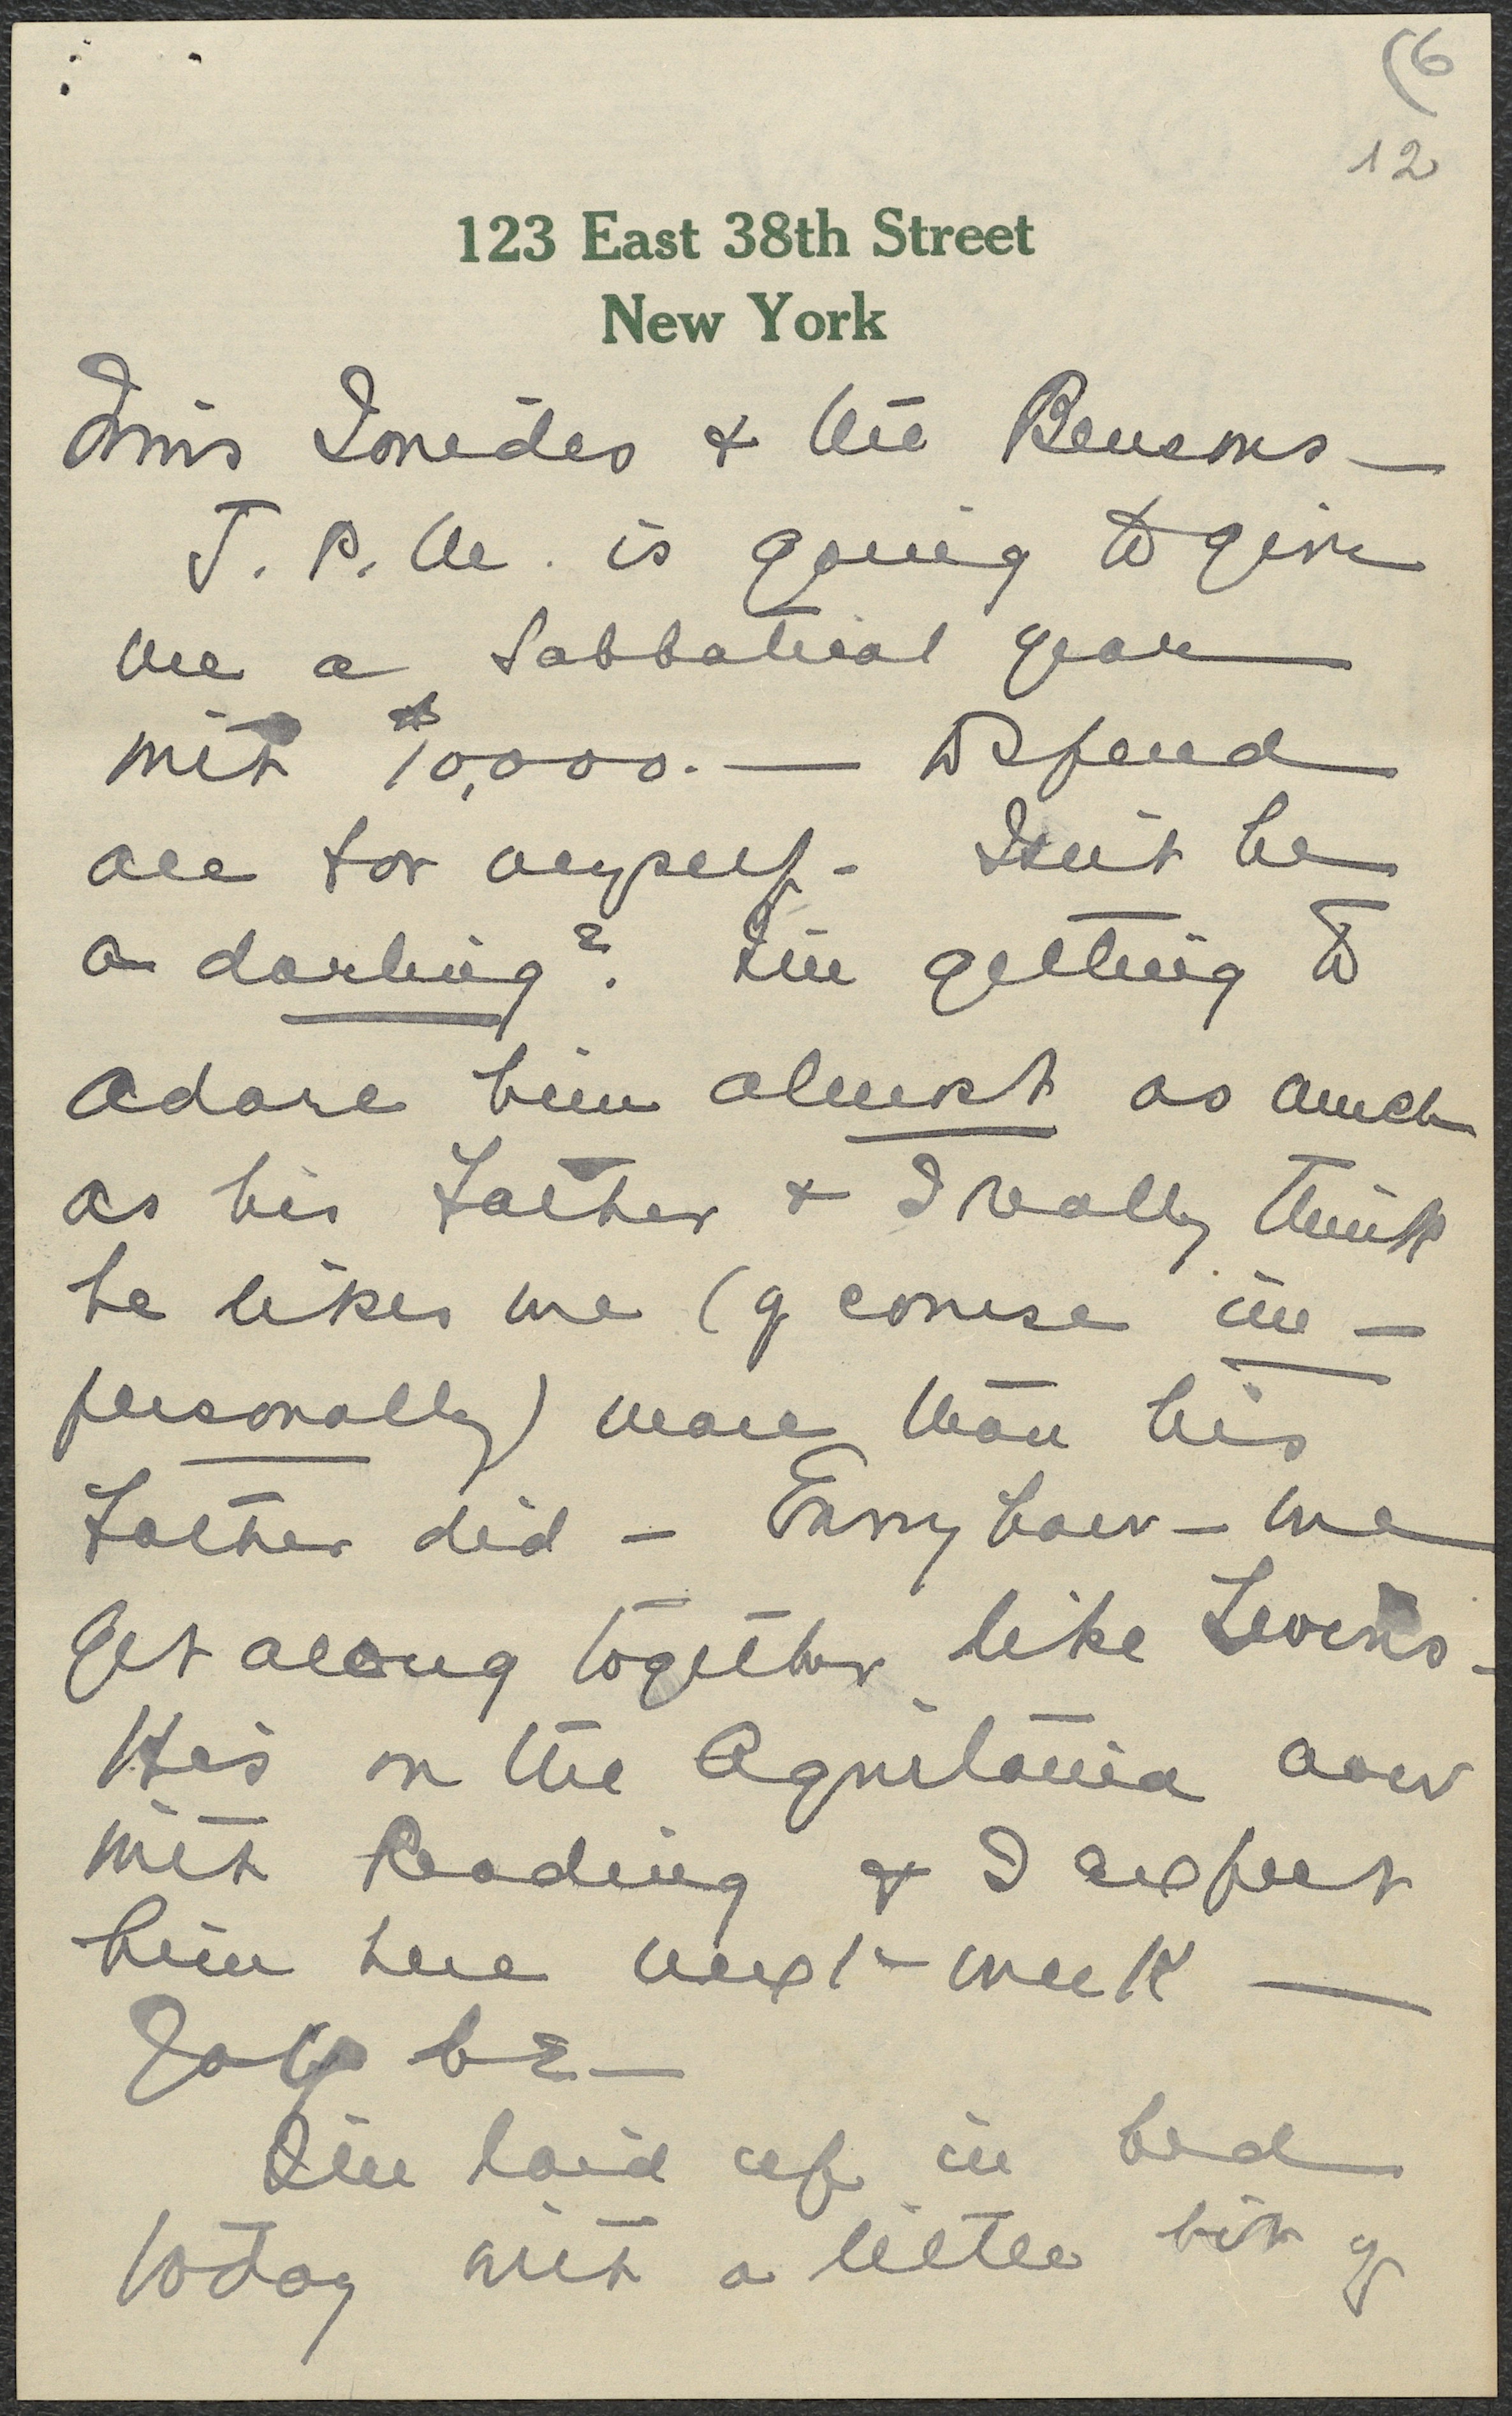Miss Ionides & the Bensons –
J.P.M. is going to give me a sabbatical year with $10,000. – to spend all for myself. Isn't he a darling? I'm getting to adore him almost as much as his father & I really think he likes me (of course impersonally) more than his father did — Enny how – we get along together like Levins – He's on the Aquitania now with Reading & I expect him here next week – Joy be –
I'm laid up in bed today with a little bit of